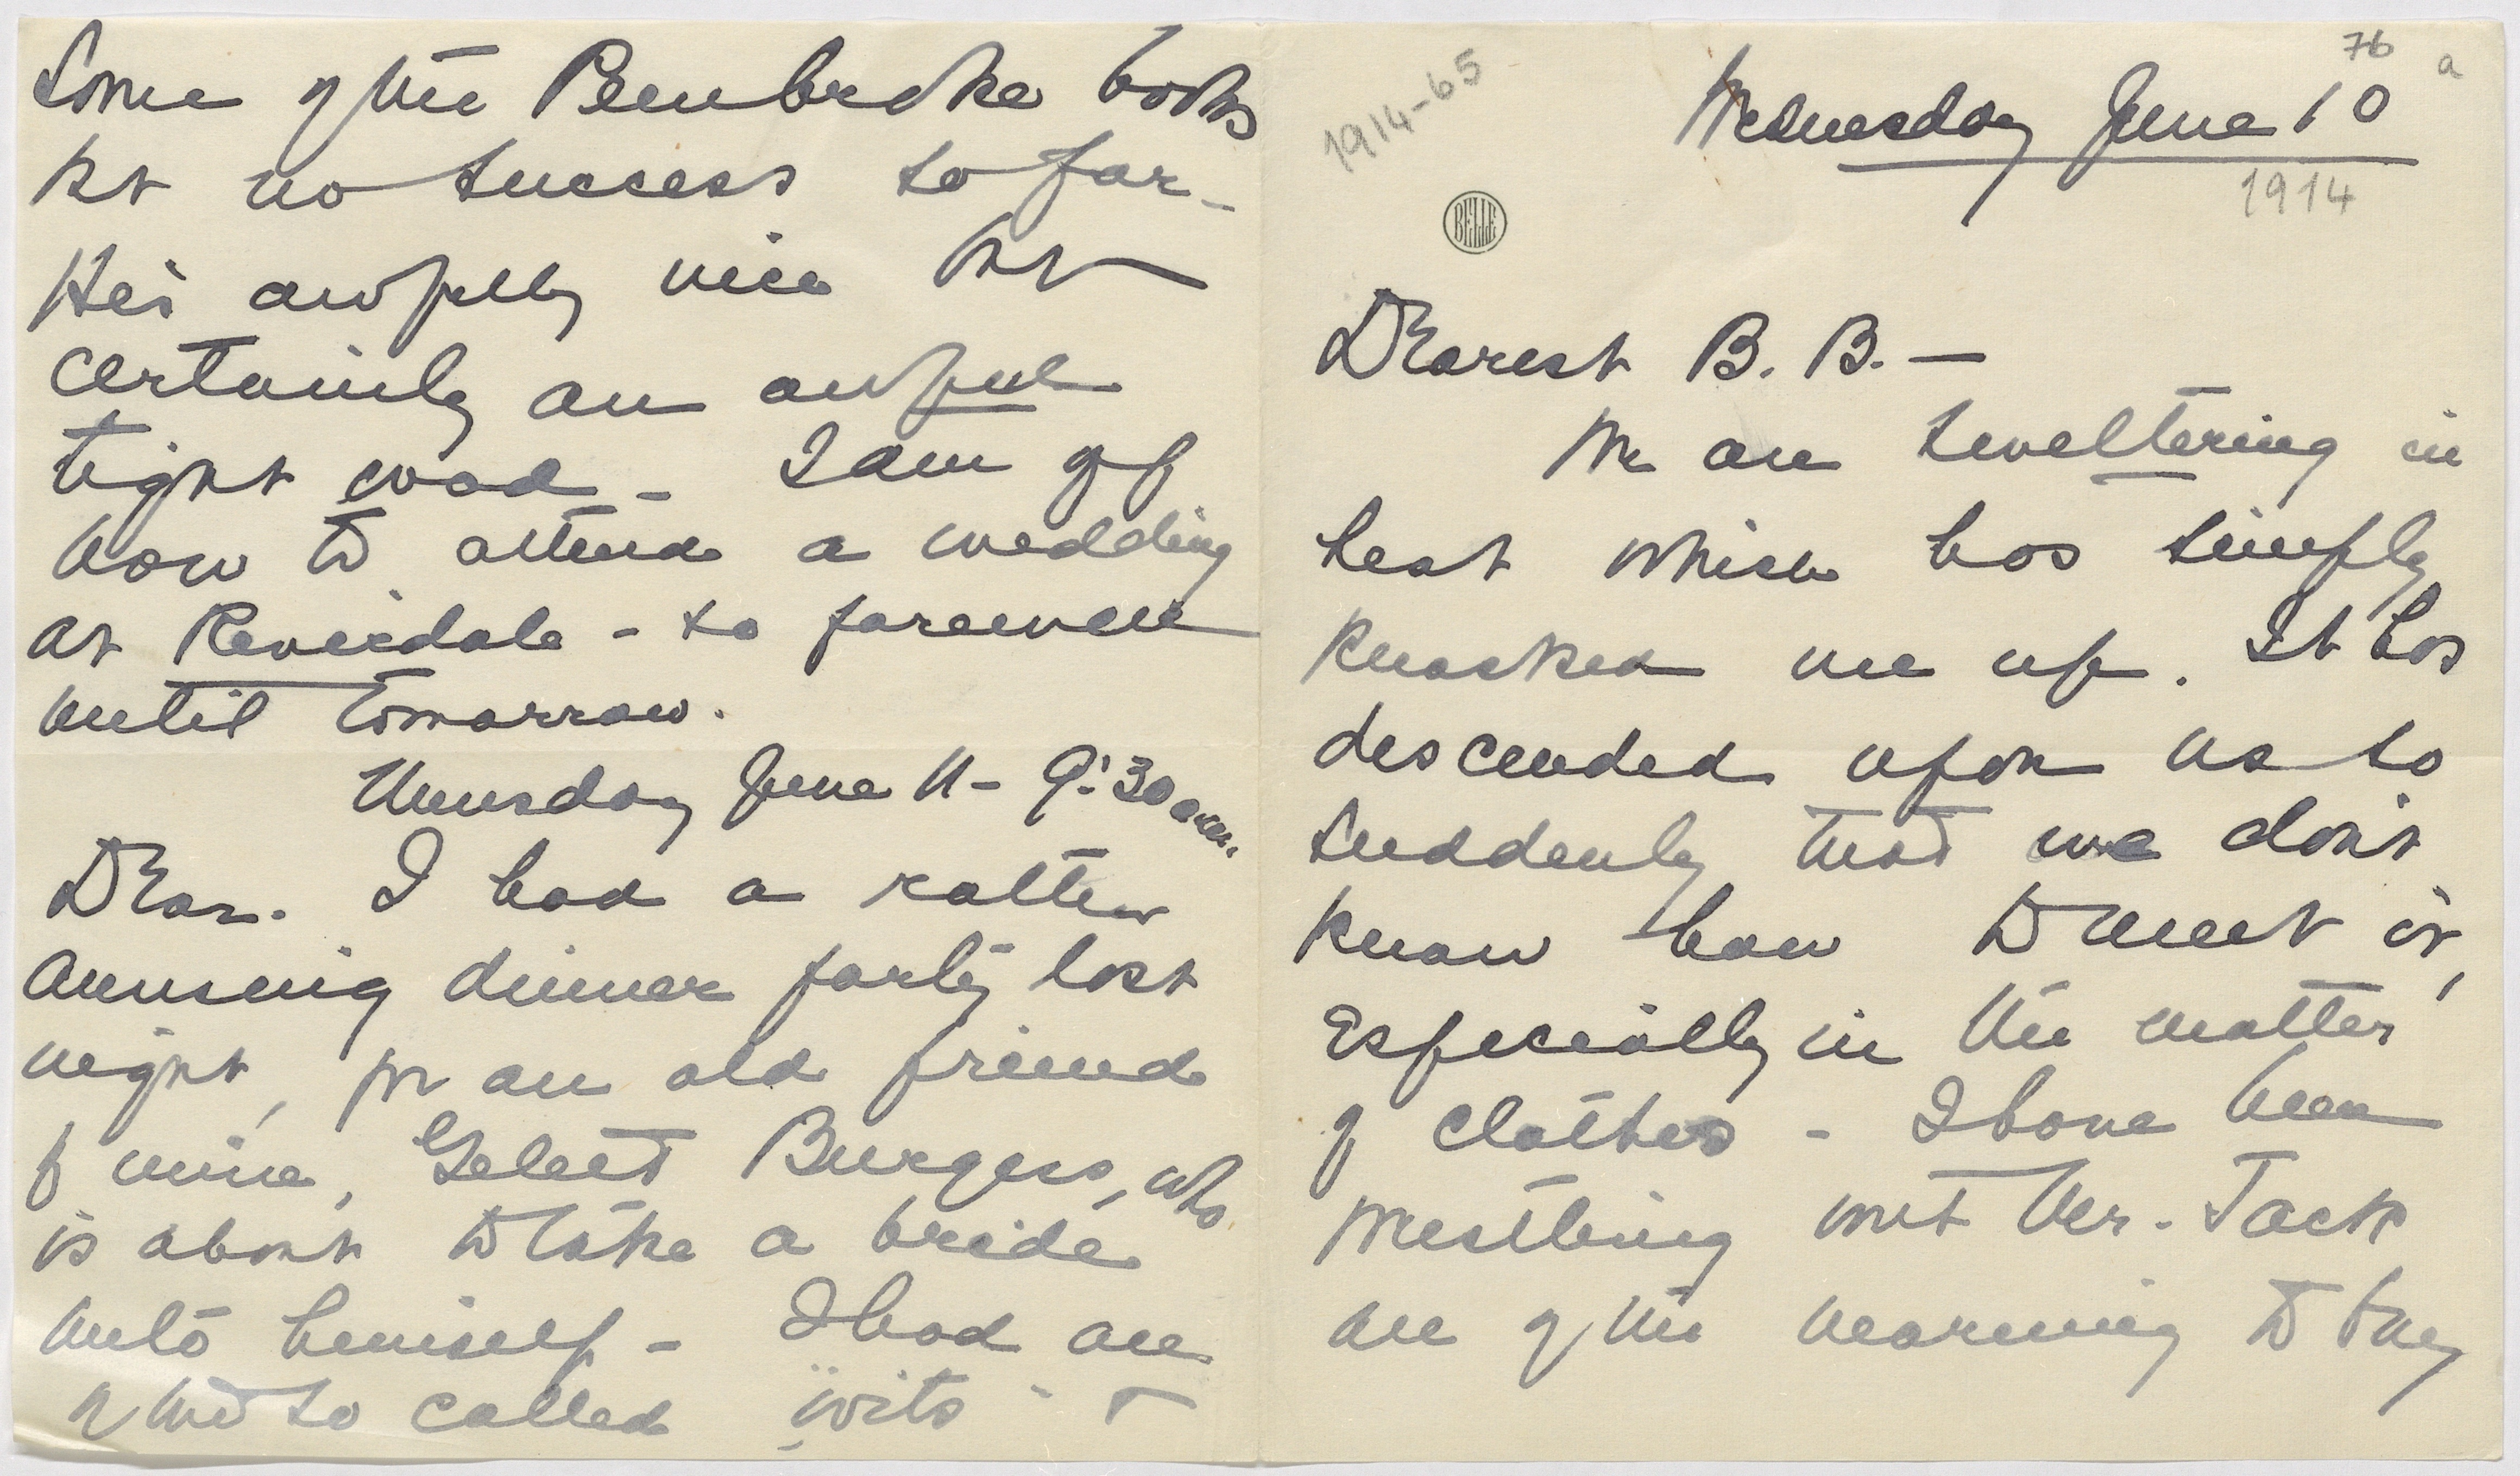Wednesday June 10
Dearest B.B. –
We are sweltering in heat which has simply knocked me up. It has descended upon us so suddenly that we don’t know how to meet or, especially in the matter of clothes – I have been wrestling with Mr. Jack all of the morning to buy
some of the Pembroke books but no success so far – He’s awfully nice but certainly an awful tight wad – I am off now to attend a wedding at Riverdale – so farewell until tomorrow.
Thursday June 11 – 9:30 am.
Dear. I had a rather amusing dinner party last night, for an old friend of mine, Gelett Burgess, who is about to take a bride unto himself – I had all of the so called “wits” – &